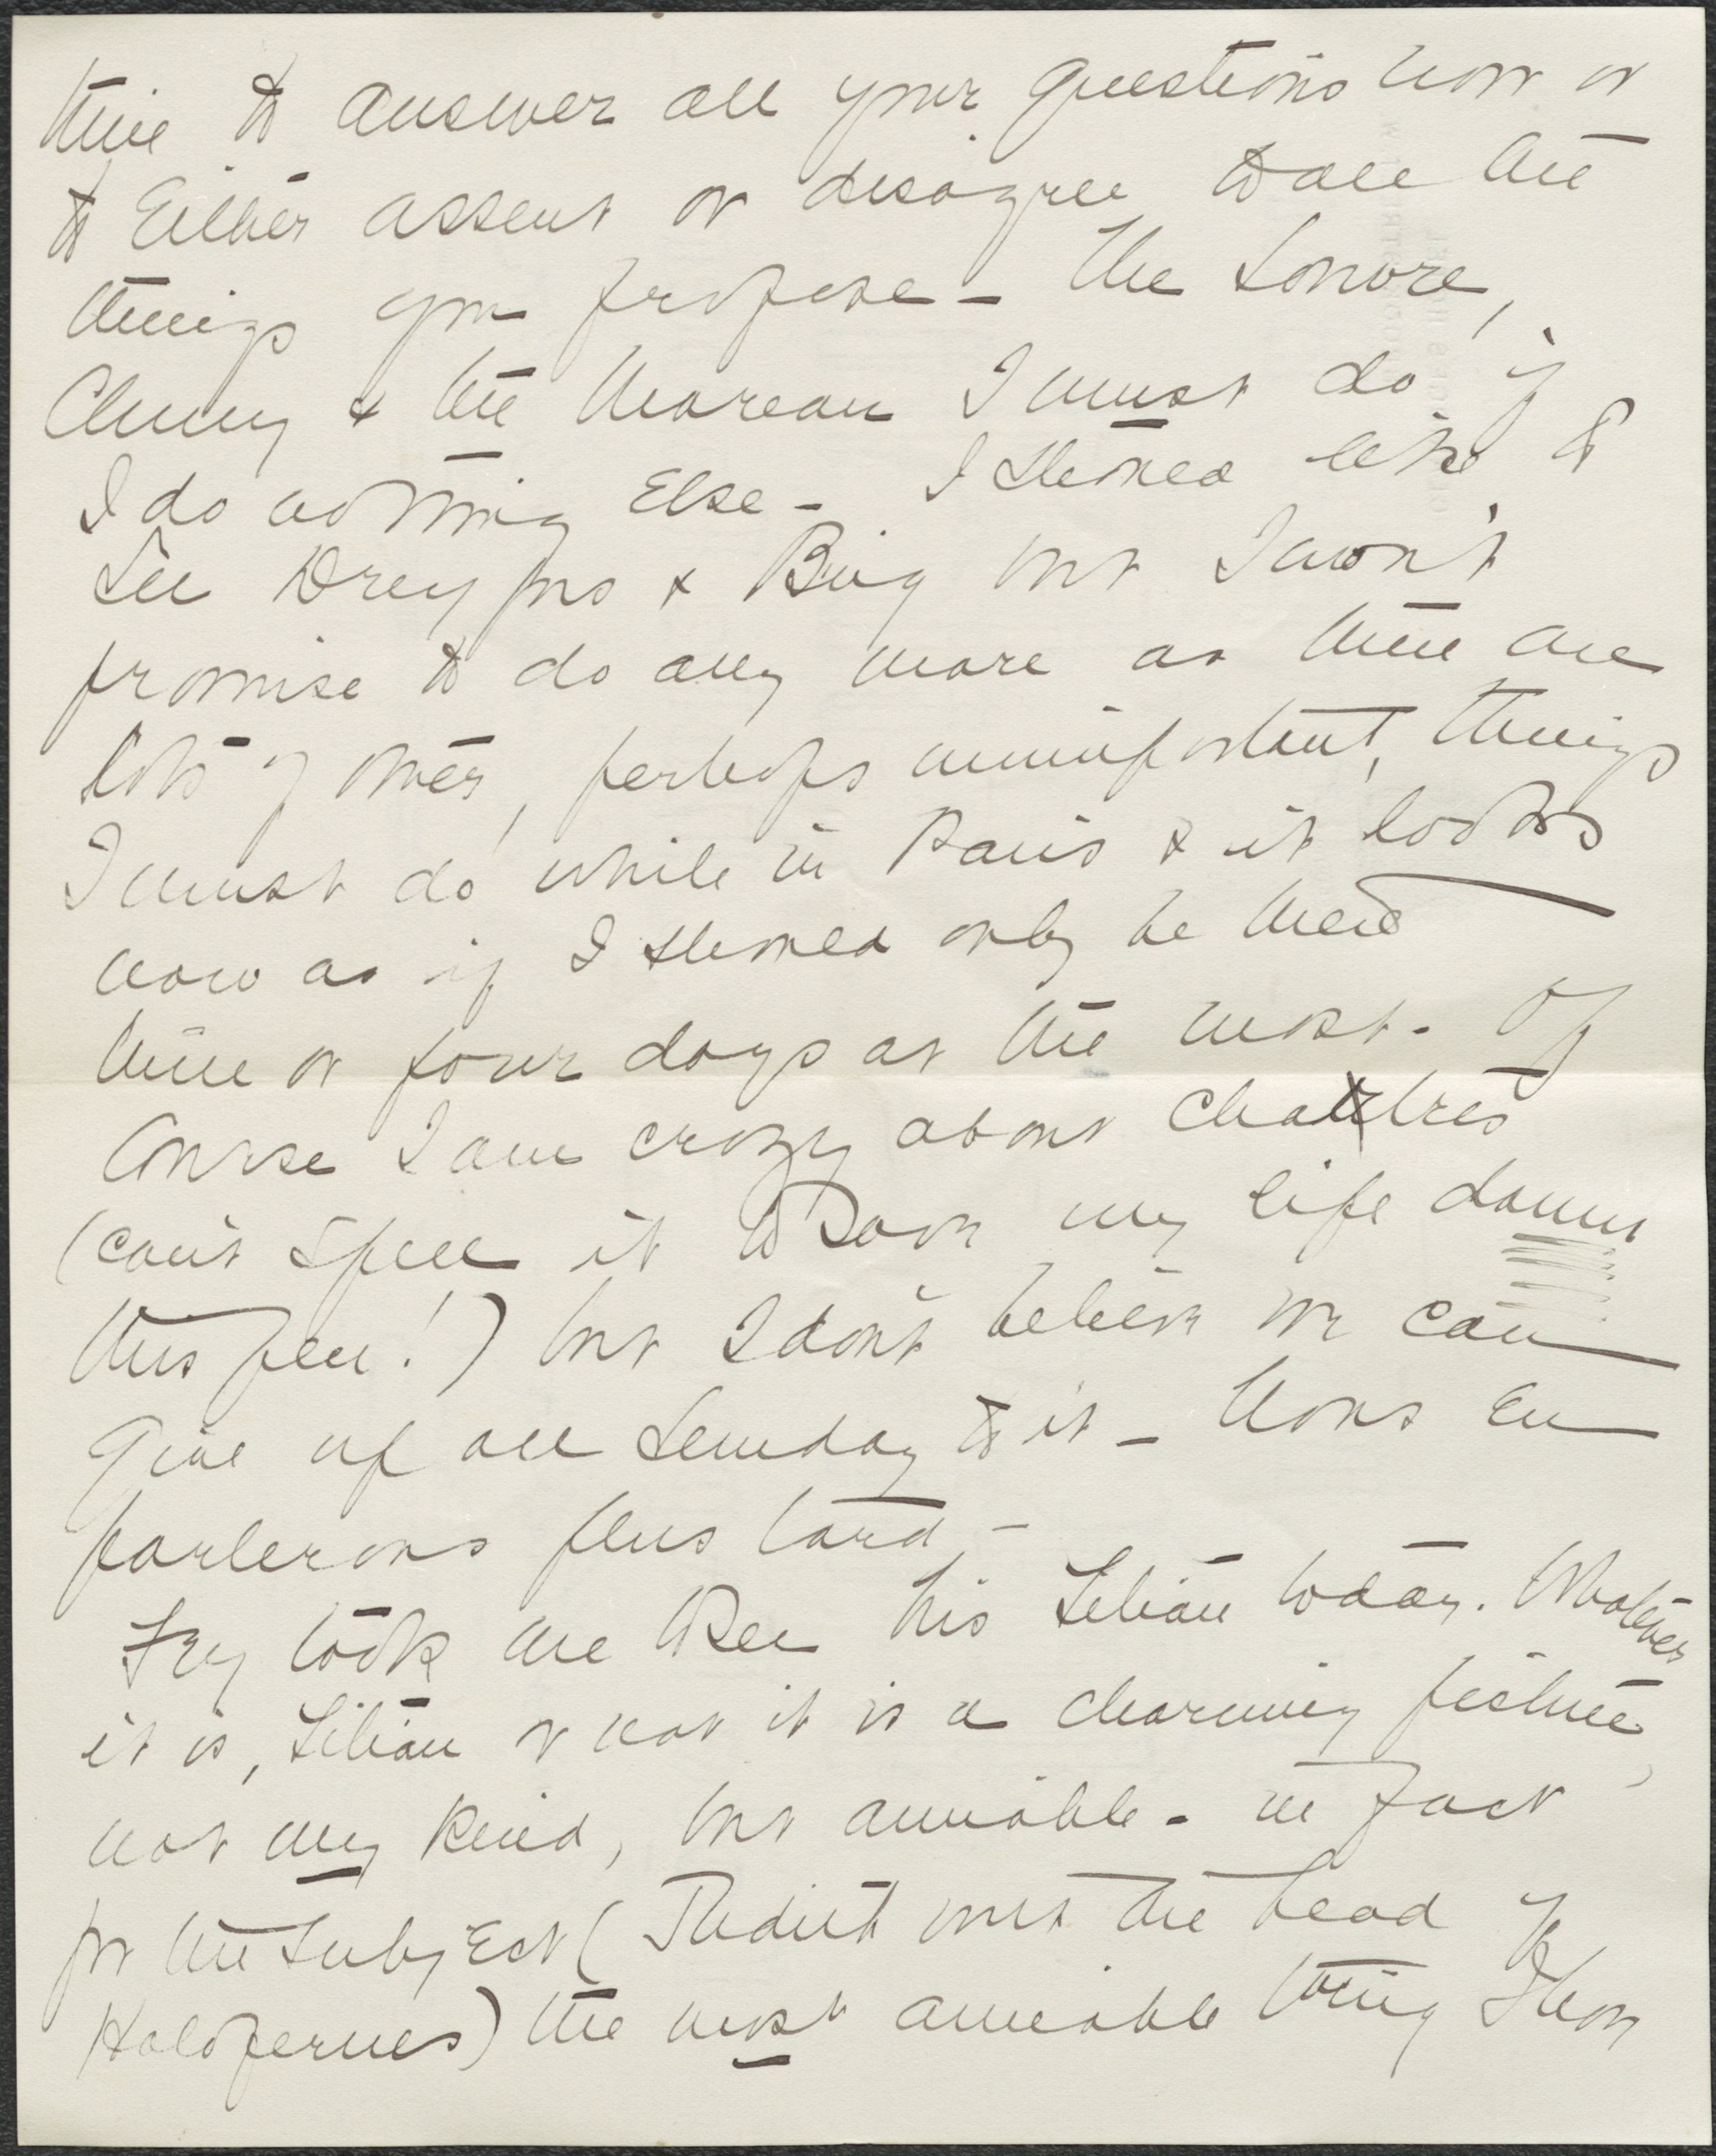time to answer all your questions now or to either assent or disagree to all the things you propose – the Louvre, Cluny & the Moreau I must do if I do nothing else – I should like to see Dreyfus & Bing but I won’t promise to do any more as there are lots of other, perhaps unimportant, things I must do while in Paris & it looks now as if I should only be there three or four days at the most – of course I am crazy about Chartres (can’t spell it to save my life [quintuple underlined: damn] this pen!) but I don’t believe we can give up all Sunday to it – Nous en parlerons plus tard –
Fry took me to see his Titian today. Whatever it is, Titian or not it is a charming picture, not my kind, but amiable – in fact for the subject (Judith with the head of Holofernes) the most amiable thing I have